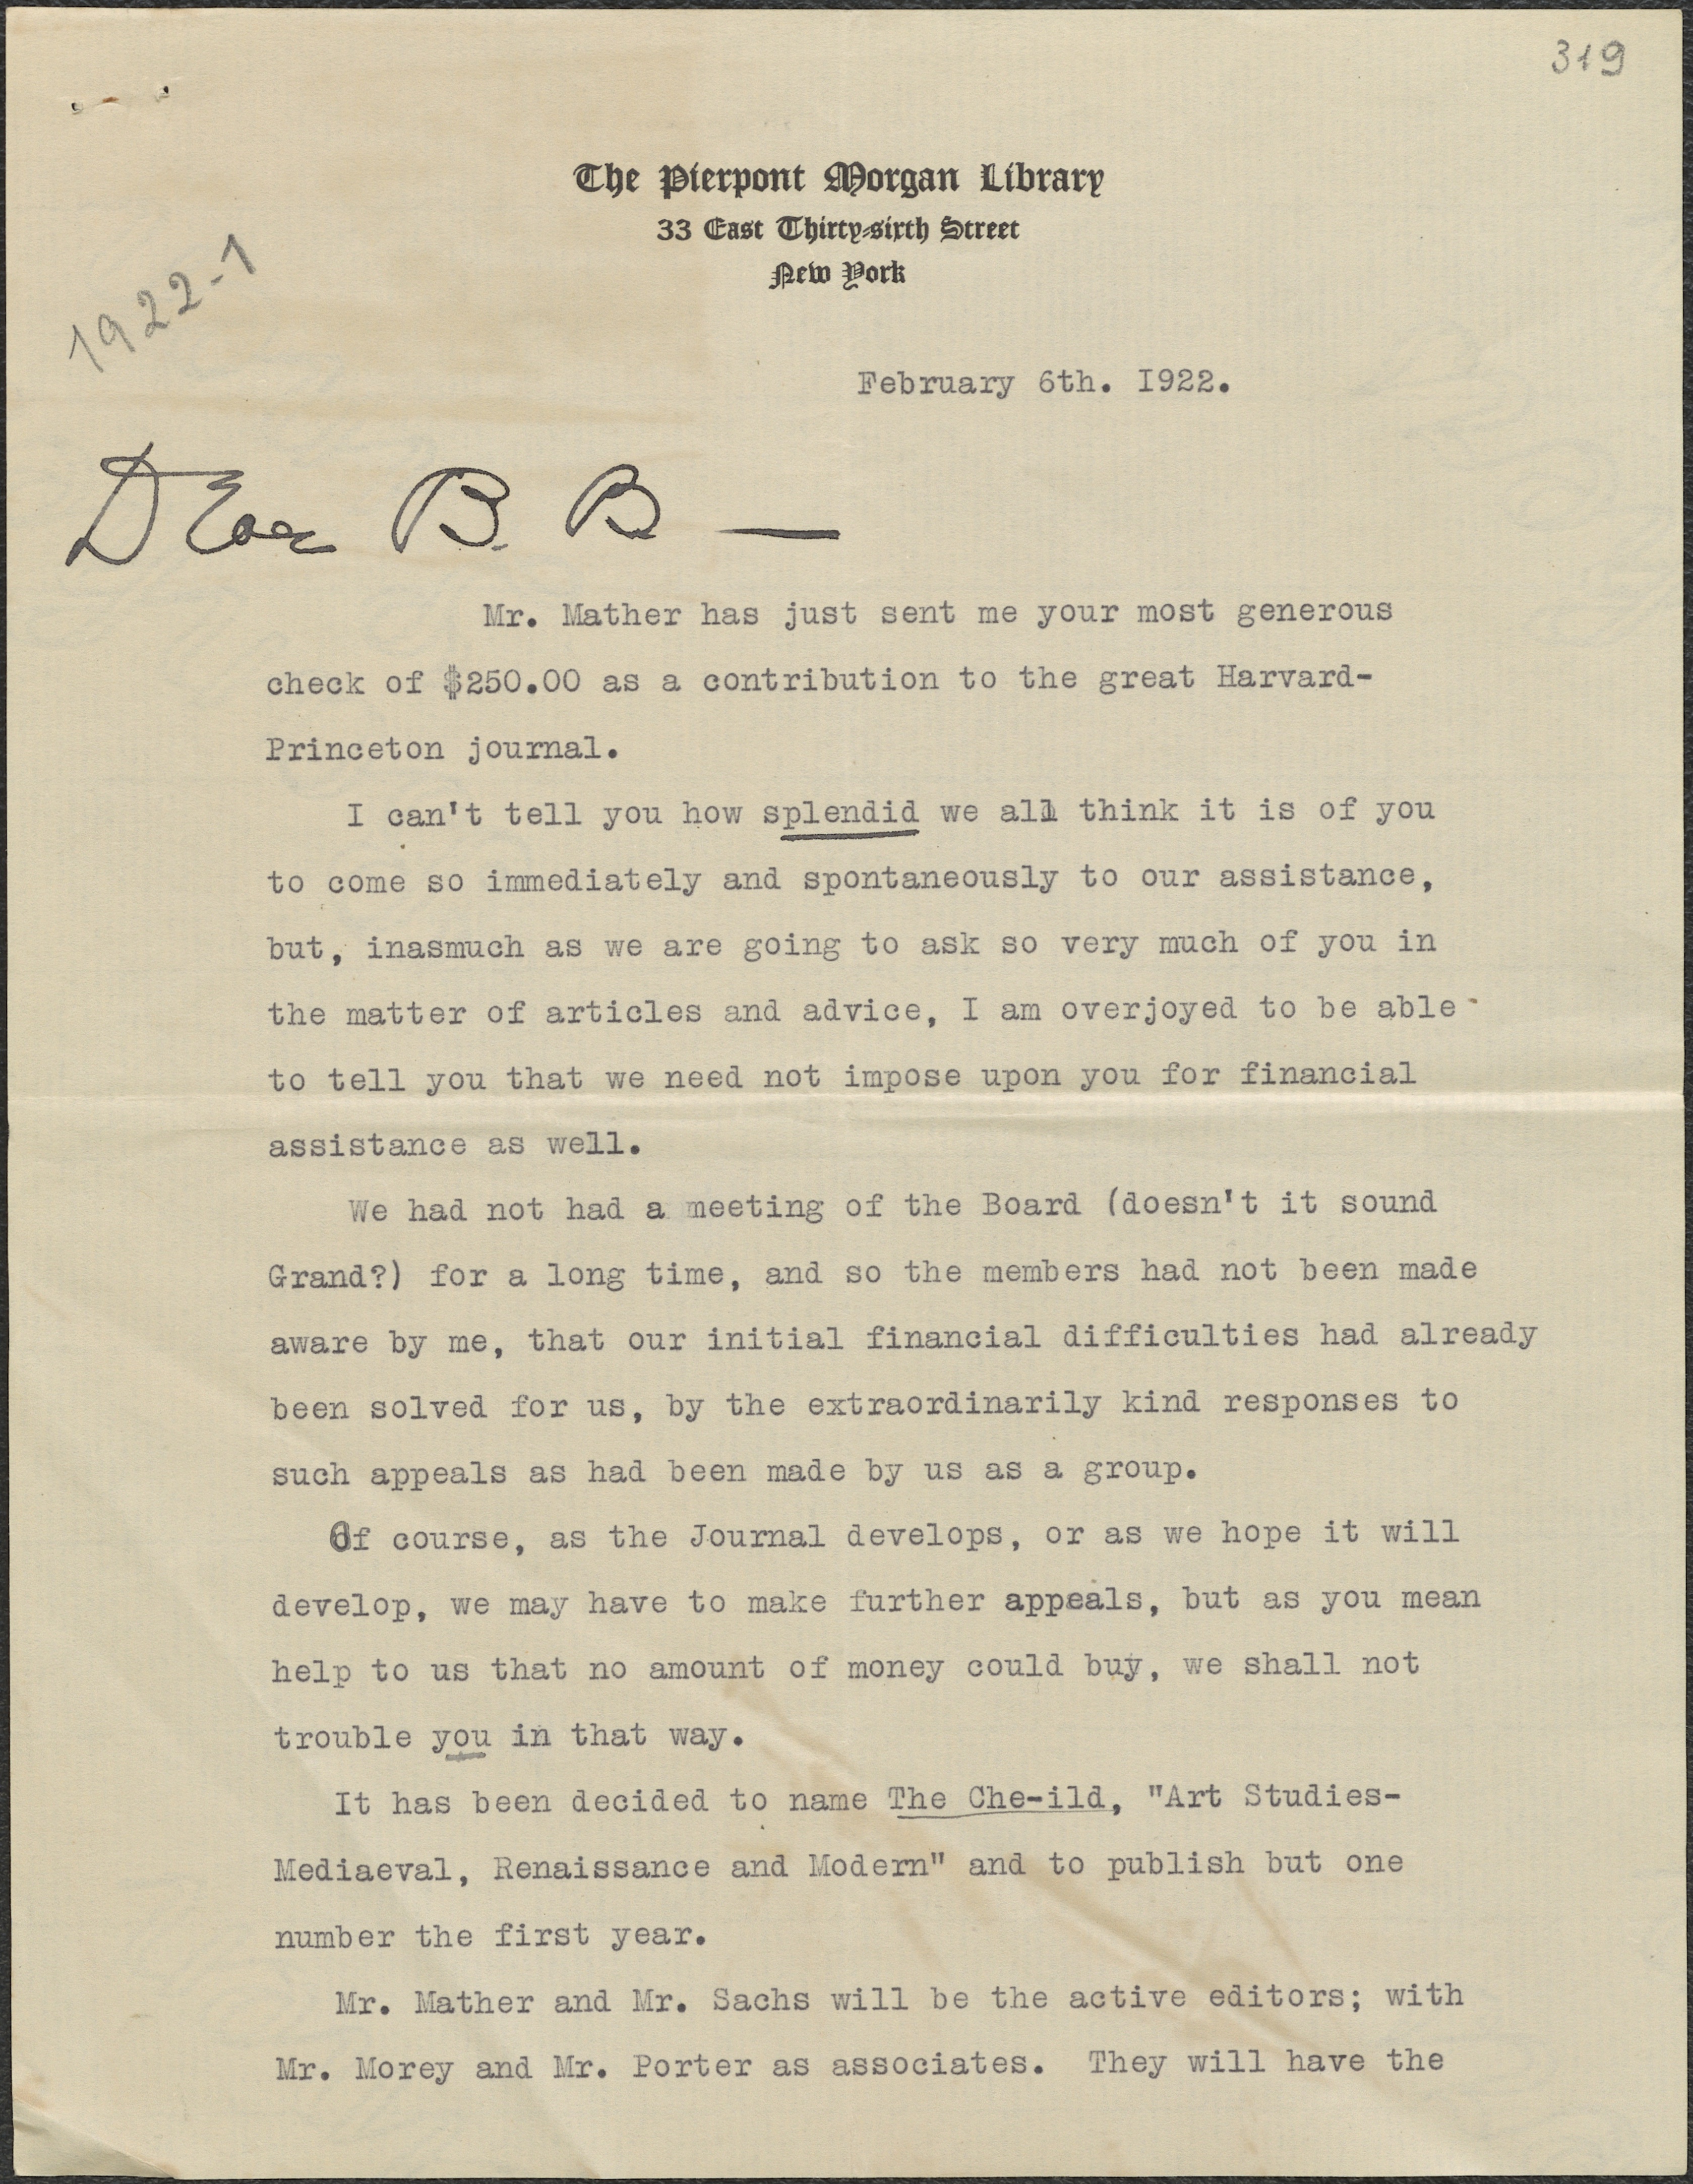February 6th. 1922.
[handwritten: Dear B.B. –]
Mr. Mather has just sent me your most generous check of $250.00 as a contribution to the great Harvard-Princeton journal.
I can’t tell you how [underlined in pen: splendid] we all think it is of you to come so immediately and spontaneously to our assistance, but, inasmuch as we are going to ask so very much of you in the matter of articles and advice, I am overjoyed to be able to tell you that we need not impose upon you for financial assistance as well.
We had not had a meeting of the Board (doesn’t it sound Grand?) for a long time, and so the members had not been made aware by me, that our initial financial difficulties had already been solved for us, by the extraordinarily kind responses to such appeals as had been made by us as a group.
Of course, as the Journal develops, or as we hope it will develop, we may have to make further appeals, but as you mean help to us that no amount of money could buy, we shall not trouble [underlined in pen: you] in that way.
It has been decided to name [underlined in pen: The Che-ild], “Art Studies-Mediaeval, Renaissance and Modern” and to publish but one number the first year.
Mr. Mather and Mr. Sachs will be the active editors; with Mr. Morey and Mr. Porter as associates. They will have the